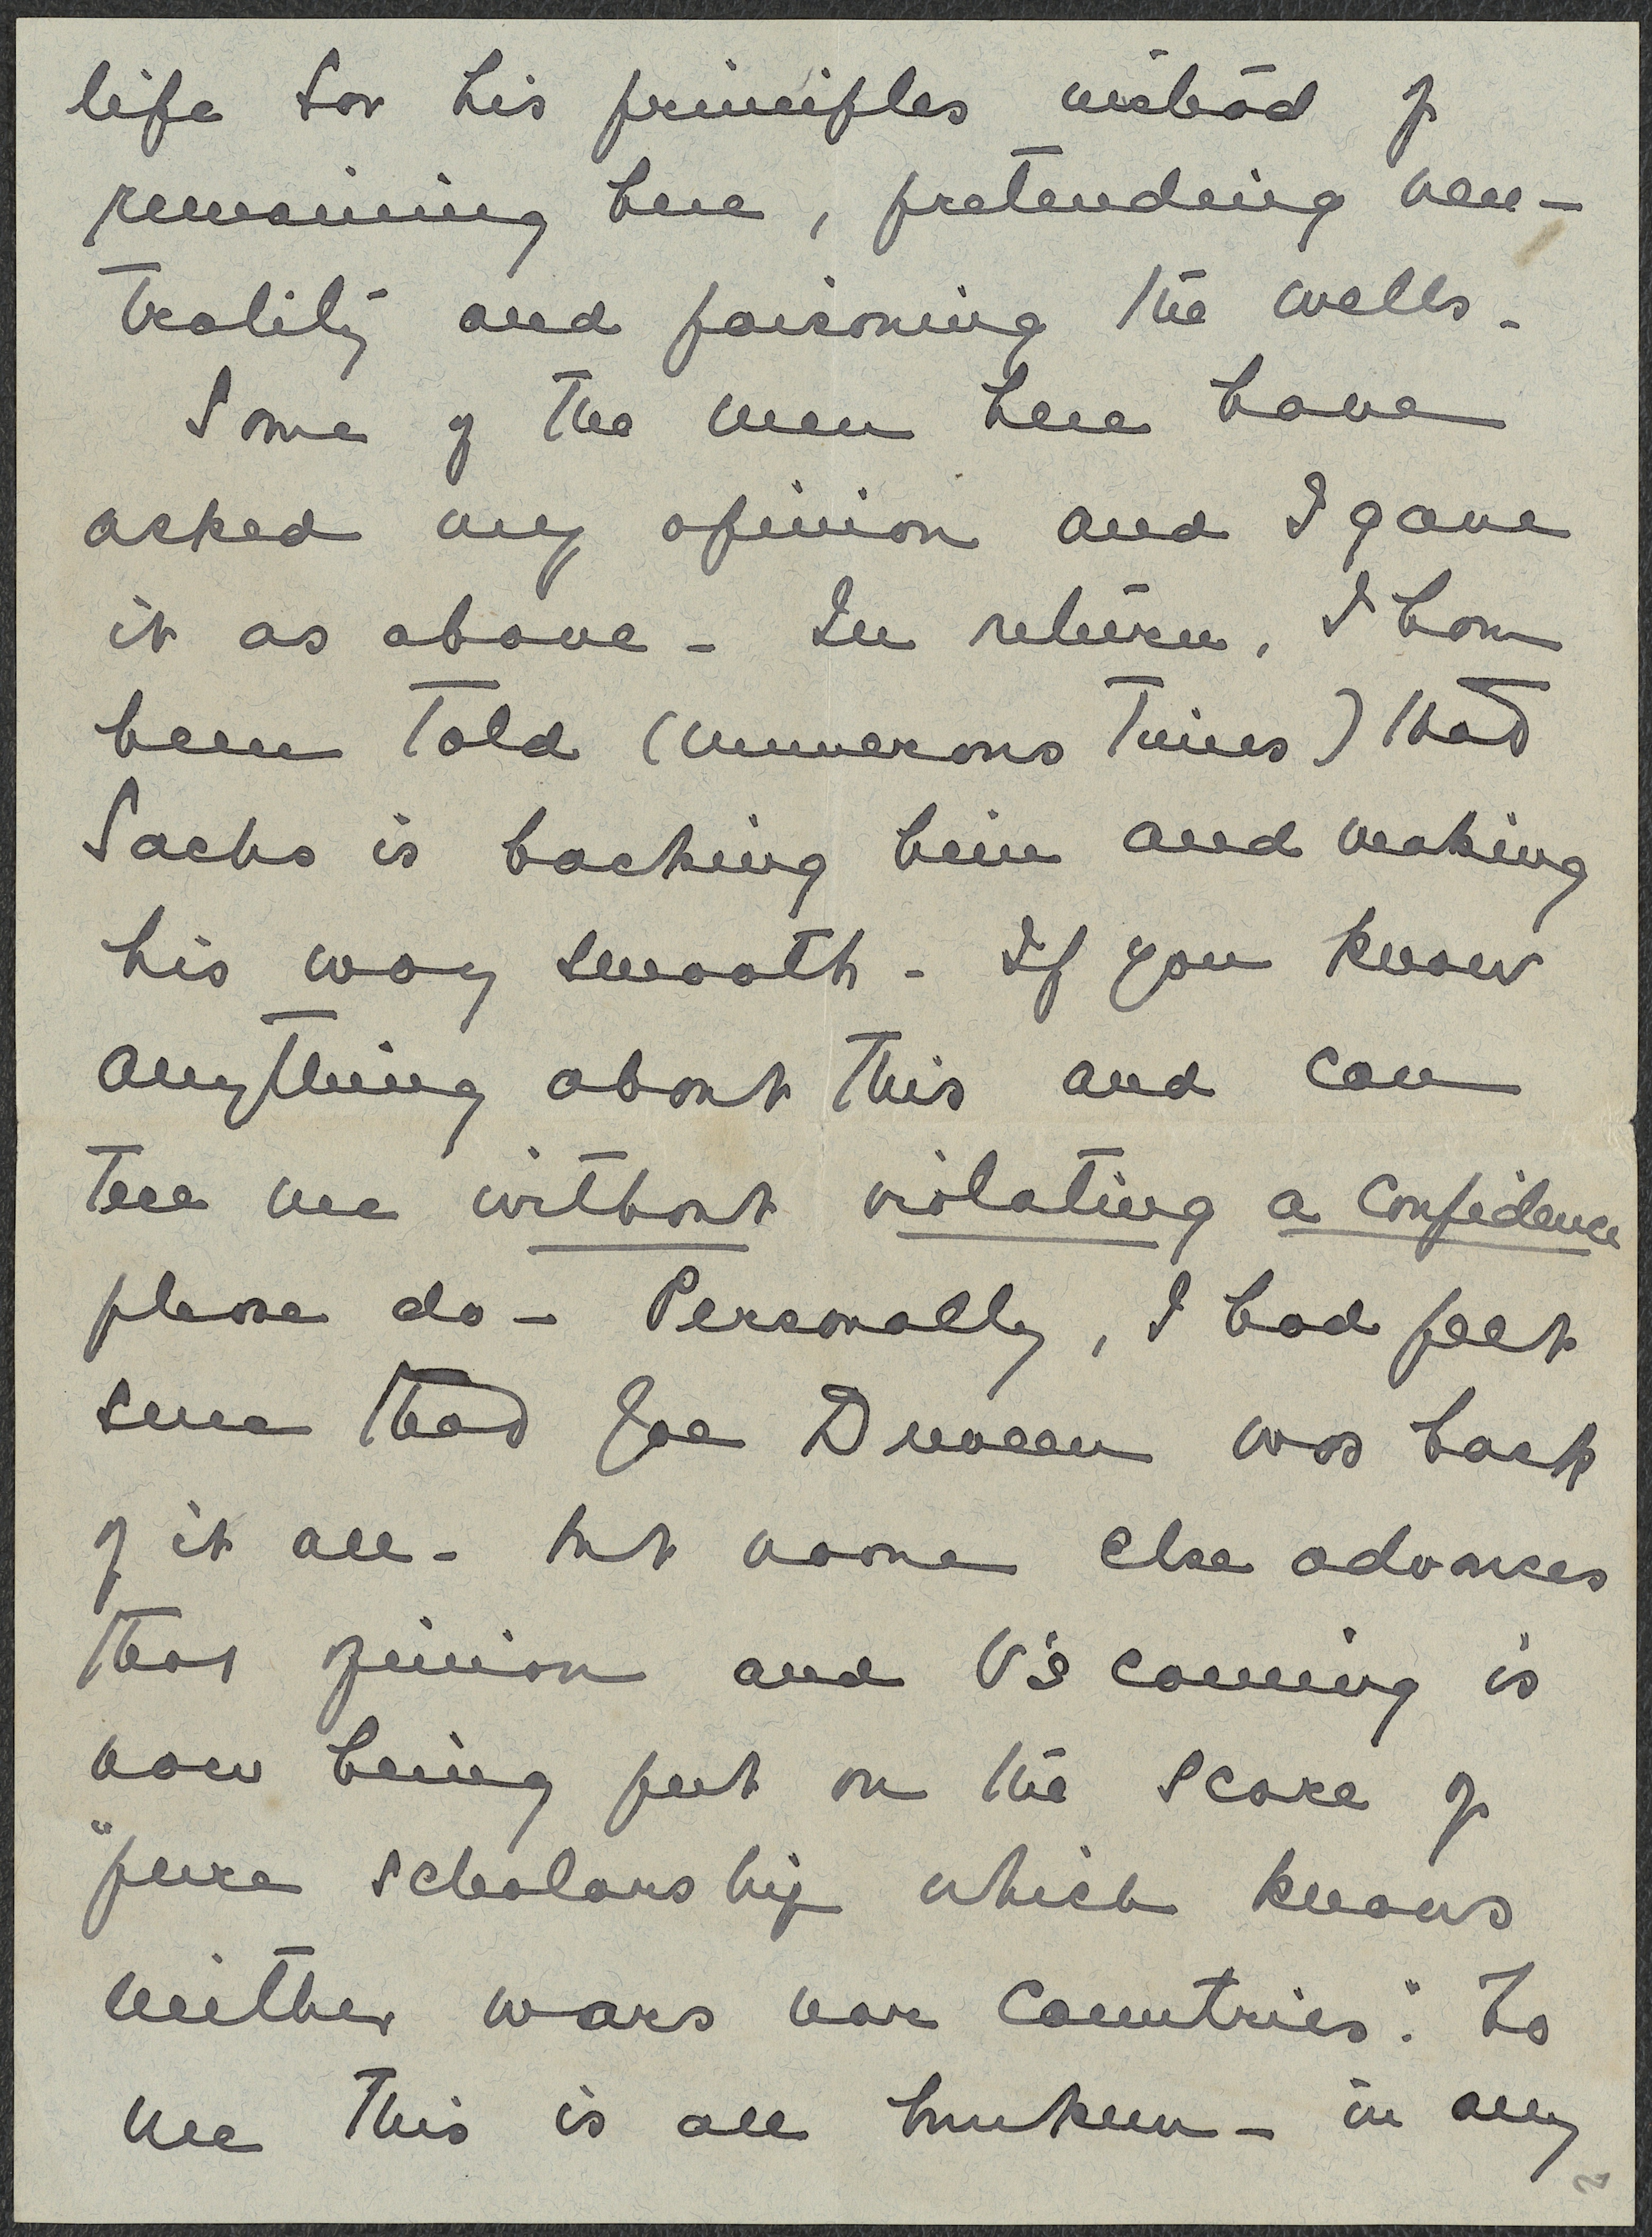life for his principles instead of remaining here, pretending neutrality and poisoning the wells –
Some of the men here have asked my opinion and I gave it as above – In return, I have been told (numerous times) that Sachs is backing him and making his way smooth – If you know anything about this and can tell me without violating a confidence please do – Personally, I had felt sure that Joe Duveen was back of it all – but noone else advances that opinion and V’s coming is now being put on the score of “pure scholarship which knows neither wars nor countries.” To me this is all bunkum – in any